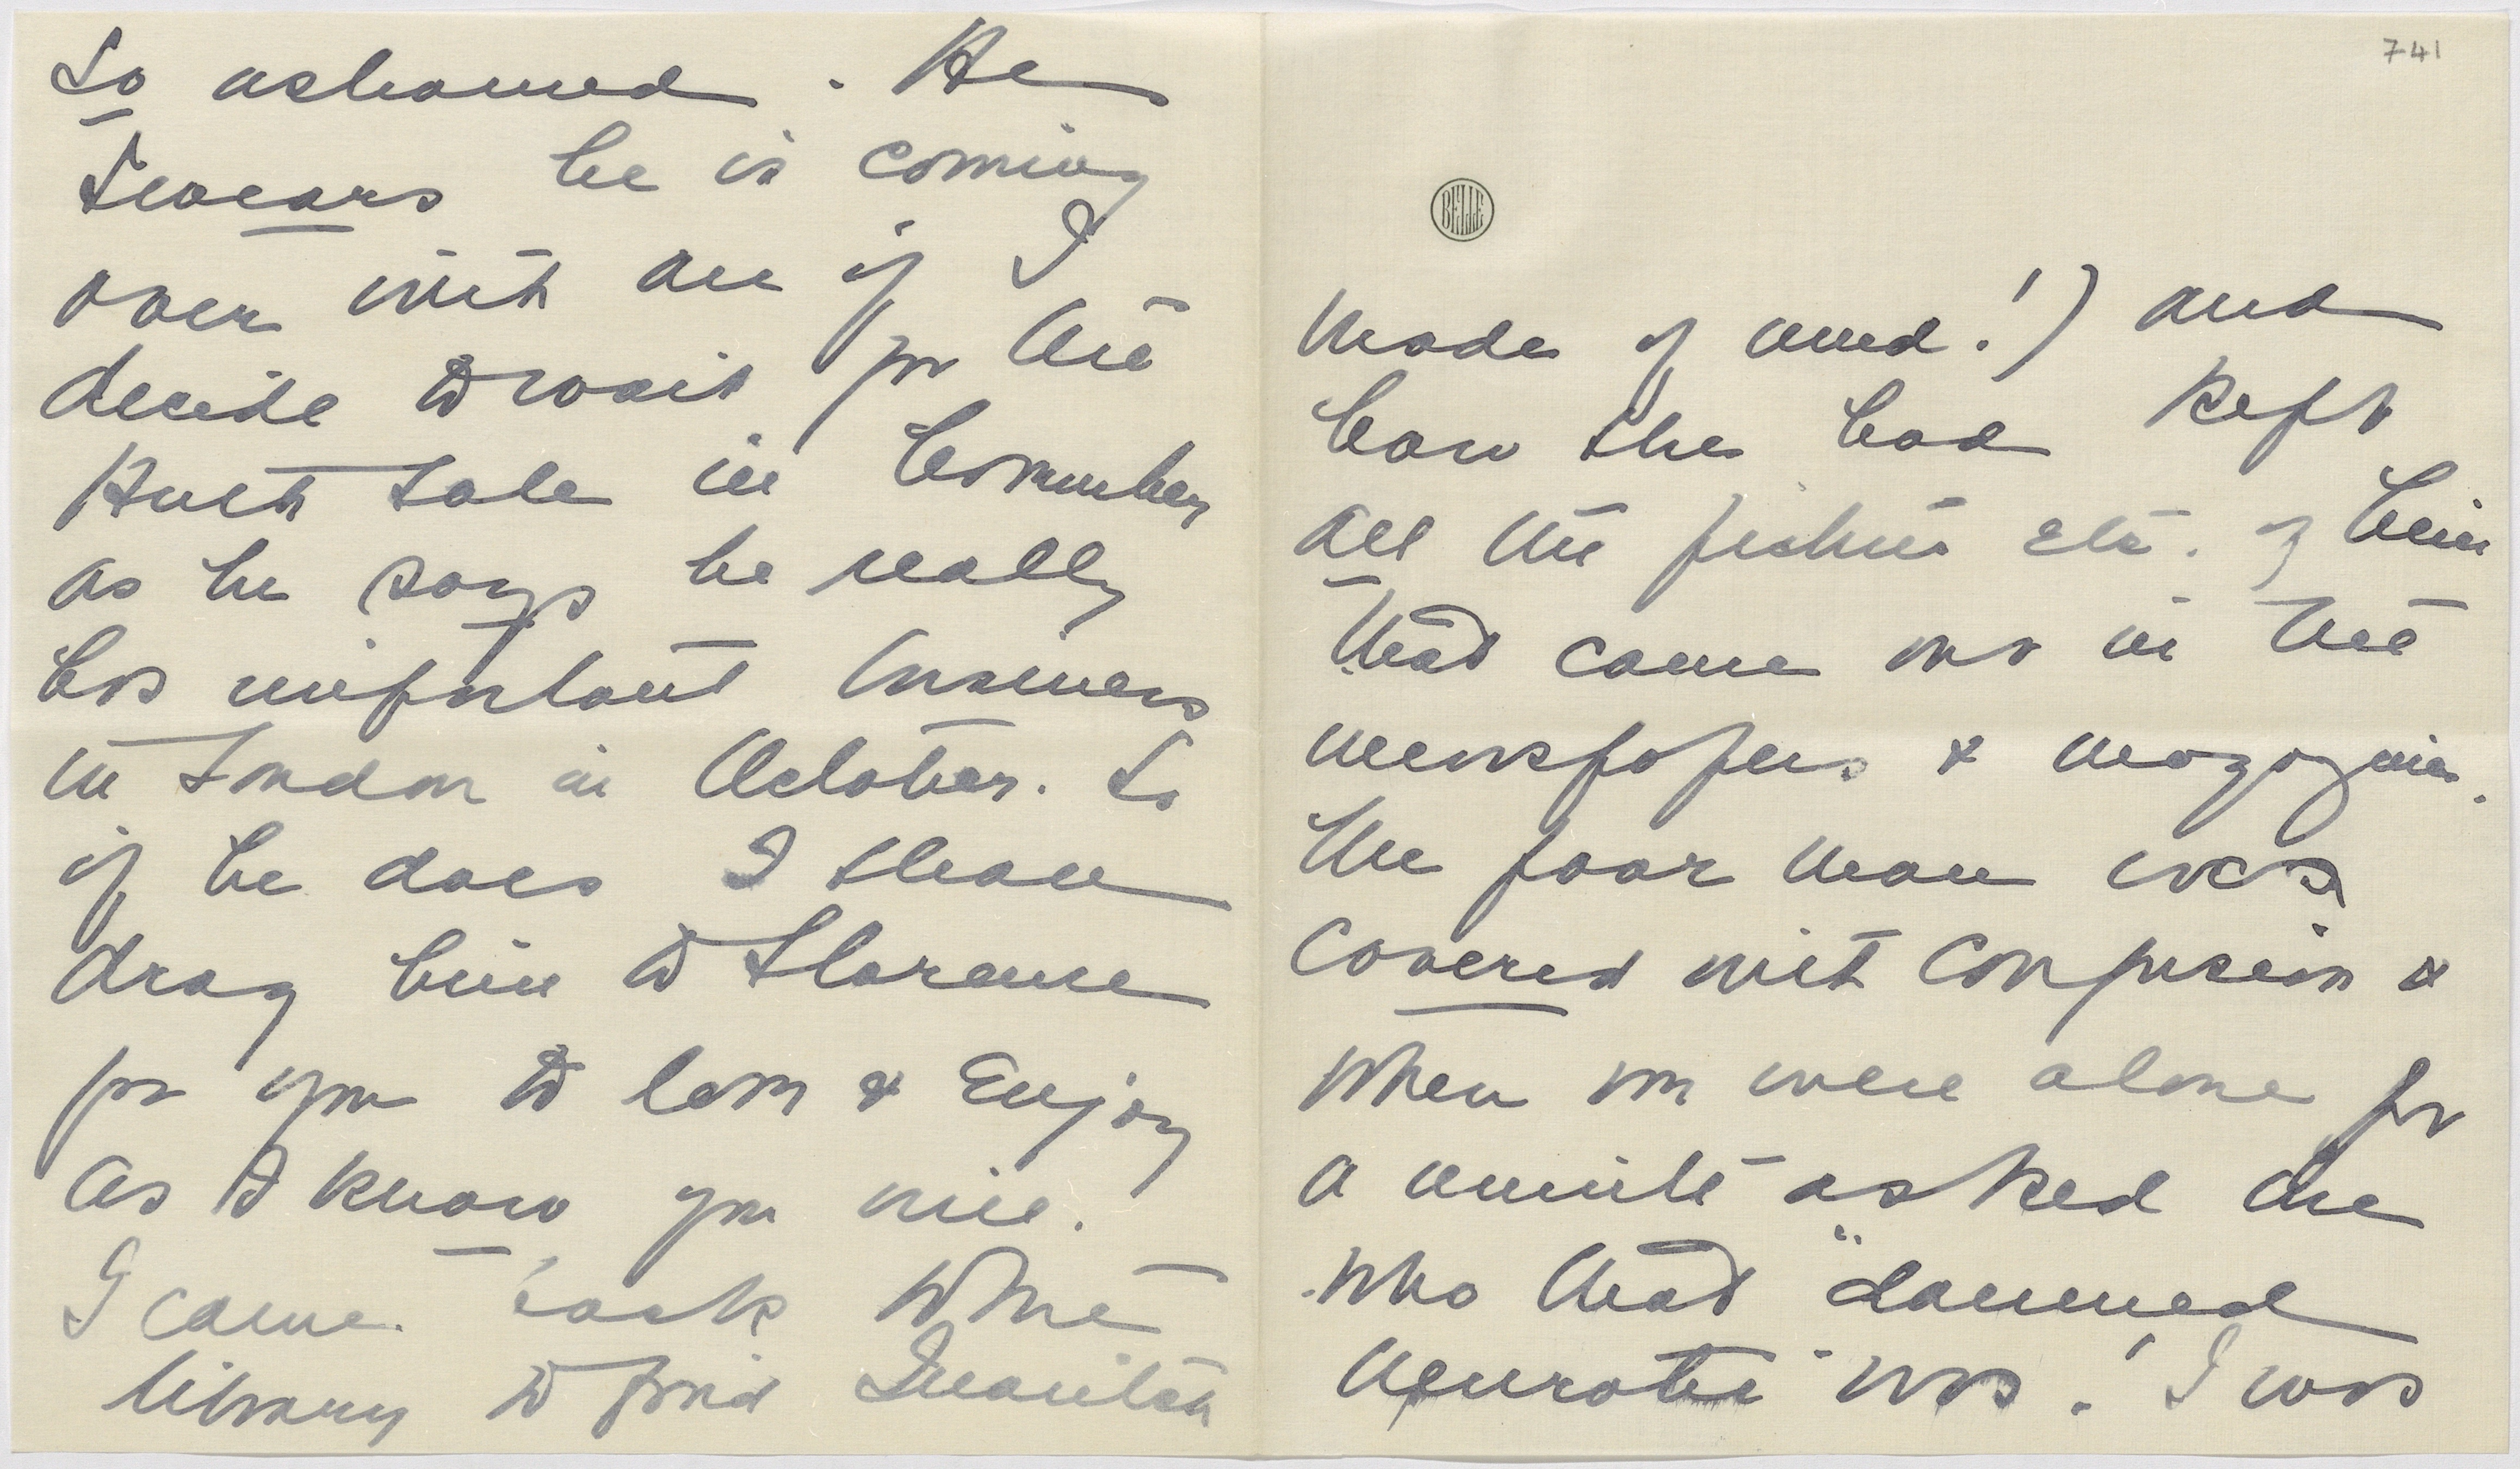made of mud!) and how she had kept all the pictures etc. of him that came out in the newspapers & magazines. The poor man was covered with confusion & when we were alone for a minute asked me who that “damned neurotic” was! I was
so ashamed. He swears he is coming over with me if I decide to wait for the Huth sale in November as he says he really has important business in London in October. So if he does I shall drag him to Florence for you to love & enjoy as I know you will. I came back to the library to find Quaritch